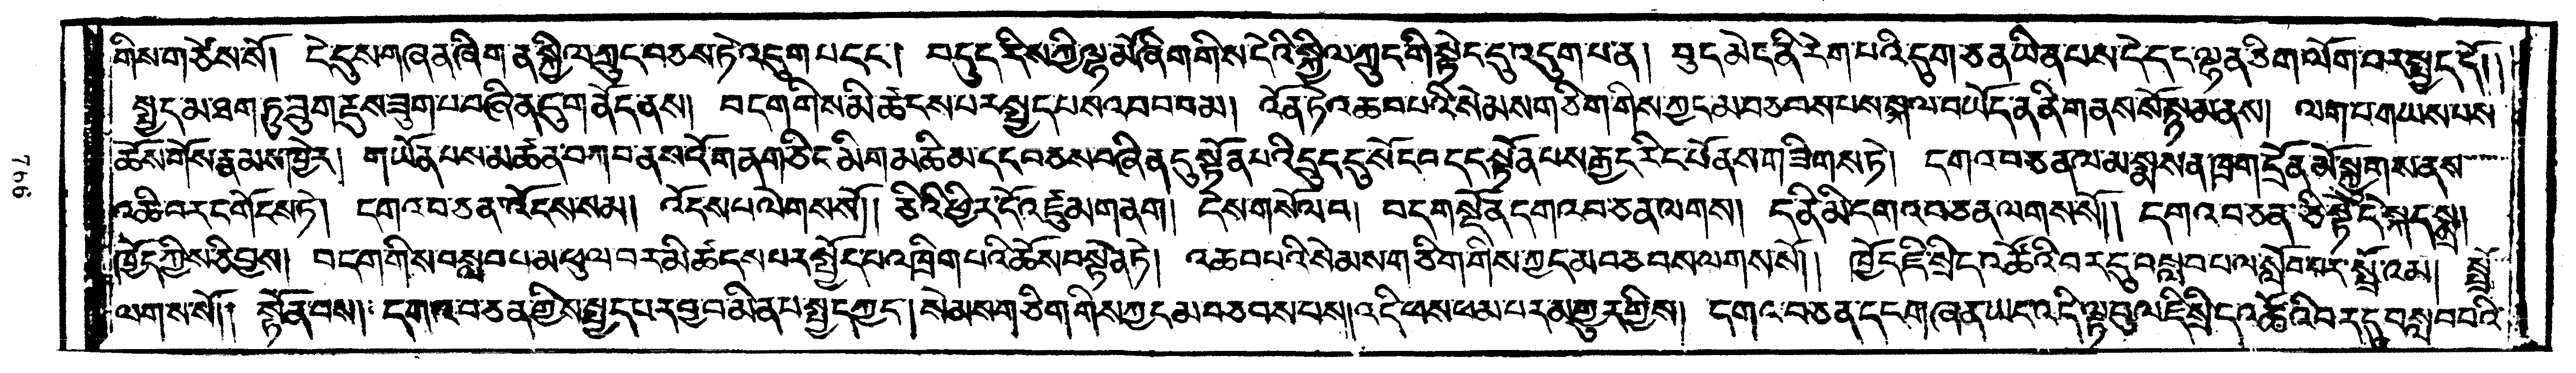གིས་གཙེས་སོ། དེ་དུས་གཞན་ཞིག་ན་སྐྱིལ་ཀྲུང་བཅས་ཏེ་འདུག་པ་དང་། བདུད་རིས་ཀྱི་ལྷ་མོ་ཞིག་གིས་དེའི་སྐྱིལ་ཀྲུང་གི་སྟེང་དུ་འདུག་པ་ན། བུད་མེད་ནི་རེག་པའི་དུག་ཅན་ཡིན་པས་དེ་དང་ལྷན་ཅིག་ལོག་པར་སྤྱད་དོ།།
སྤྱད་མ་ཐག་ཏུ་ཟུག་རྡུས་ཟུག་པ་བཞིན་དུ་གནོད་ནས། བདག་གིས་མི་ཚངས་པར་སྤྱད་པས་འབབ་བམ། འོན་ཏེ་འཆབ་པའི་སེམས་གཅིག་གིས་ཀྱང་མ་བཅབས་པས་སྐལ་བ་ཡོད་ན་ནི་གནས་སོ་སྙམ་ནས། ལག་པ་གཡས་པས་
ཆོས་གོས་རྣམས་ཁྱེར། གཡོན་པས་མཚན་བཀབ་ནས་འོ་གནག་ཅིང་མིག་མཆི་མ་དང་བཅས་བཞིན་དུ་སྟོན་པའི་དྲུང་དུ་སོང་བ་དང་སྟོན་པས་རྒྱང་རིང་པོ་ནས་གཟིགས་ཏེ། དགའ་བ་ཅན་ལ་མ་སྨས་ན་ཁྲག་དྲོན་མོ་སྐྱུགས་ནས་
འཆི་བར་དགོངས་ཏེ། དགའ་བ་ཅན་འོངས་སམ། འོངས་པ་ལེགས་སོ།། ཅིའི་ཕྱིར་དོ་འཛུམ་གནག། དེས་གསོལ་བ། བདག་སྔོན་དགའ་བ་ཅན་ལགས། ད་ནི་མི་དགའ་བ་ཅན་ལགས་སོ།། དགའ་བ་ཅན་ཅི་སྟེ་དེ་སྐད་སྨྲ།
ཁྱོད་ཀྱིས་ཅི་བྱས། བདག་གིས་བསླབ་པ་མ་ཕུལ་བར་མི་ཚངས་པར་སྤྱོད་པ་འཁྲིག་པའི་ཆོས་བསྟེན་ཏེ། འཆབ་པའི་སེམས་གཅིག་གིས་ཀྱང་མ་བཅབས་ལགས་སོ།། ཁྱོད་ཇི་སྲིད་འཚོའི་བར་དུ་བསླབ་པ་ལ་སློབ་པར་སྤྲོ་འམ། སྤྲོ་
ལགས་སོ།། སྟོན་པས། དགའ་བ་ཅན་གྱིས་སྤྱད་པར་བྱ་བ་མིན་པ་སྤྱད་ཀྱང་། སེམས་གཅིག་གིས་ཀྱང་མ་བཅབས་པས། འདི་ཕས་ཕམ་པར་མ་གྱུར་གྱིས། དགའ་བ་ཅན་དང་གཞན་ཡང་འདི་ལྟ་བུ་ལ་ཇི་སྲིད་འཚོའི་བར་དུ་བསླབ་པའི་